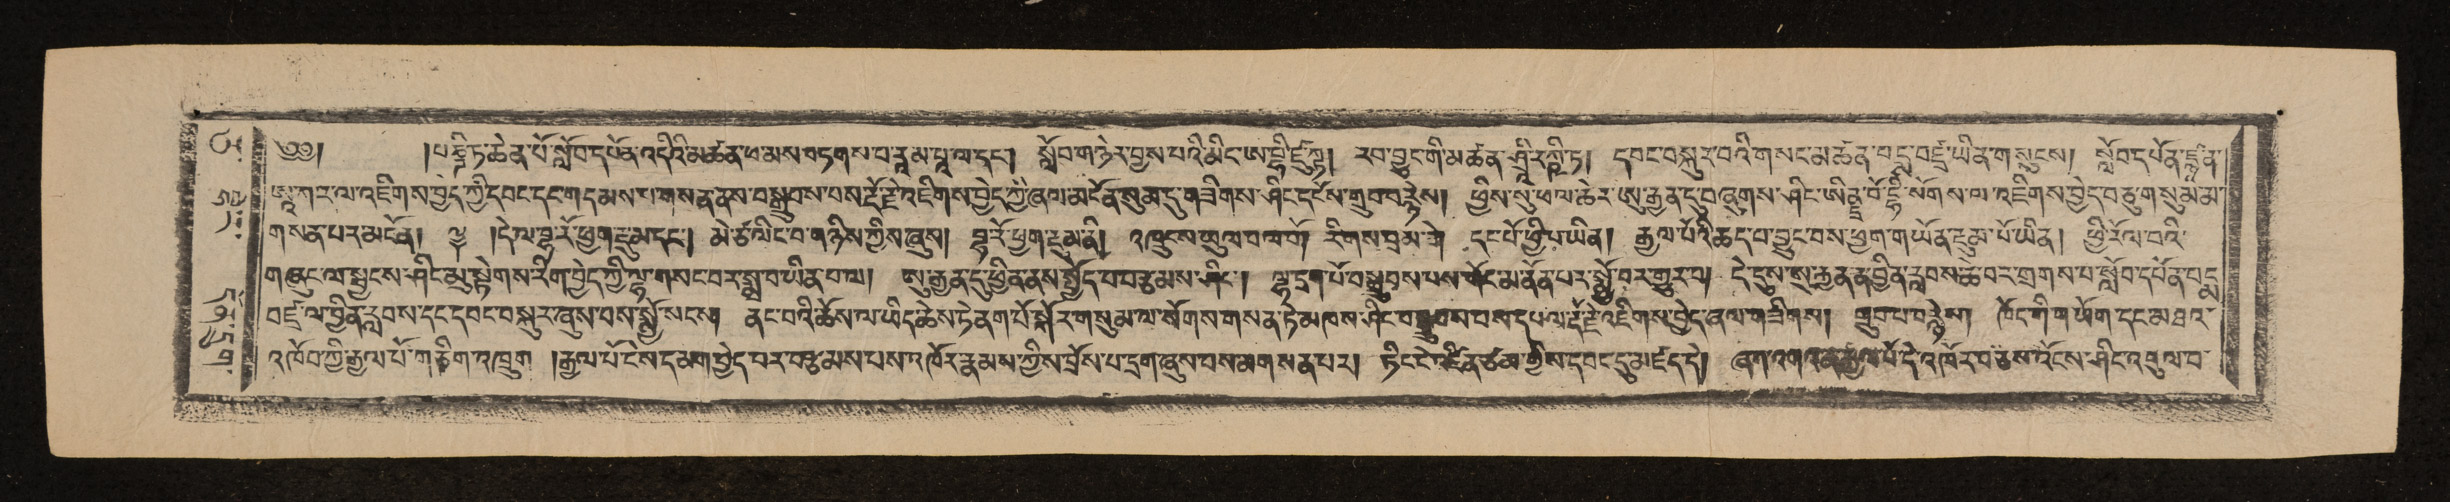༄༅། །པཎྜི་ཏ་ཆེན་པོ་སློབ་དཔོན་འདིའི་མཚན་ཕ་མས་བཏགས་པ་རཱ་མ་པཱ་ལ་དང་། སློབ་གཉེར་བྱས་པའི་མིང་ཨ་བྷི་ཛུཀྟ། རབ་བྱུང་གི་མཚན་ཤྲཱི་རཀྵི་ཏ། དབང་བསྐུར་བའི་གསང་མཚན་པདམ་བཛྲ་ཡིན་གསུངས། སློབ་དཔོན་ཛྙཱ་ན་
ཨཱ་ཀ་ར་ལ་འཇིགས་བྱེད་ཀྱི་དབང་དང་གདམས་པ་གསན་ནས་བསྒྲུབས་པས་རྡོ་རྗེ་འཇིགས་བྱེད་ཀྱི་ཞལ་མངོན་སུམ་དུ་གཟིགས་ཤིང་དངོས་གྲུབ་བརྙེས། ཕྱིས་སུ་ཕལ་ཆེར་ཨུ་རྒྱན་དུ་བཞུགས་ཤིང་ཨིནྡྲ་བོ་དྷི་སོགས་ལ་འཇིགས་བྱེད་བཅུ་གསུམ་མ་
གསན་པར་མངོན། ༈ །དེ་ལ་བྷ་རོ་ཕྱག་རྡུམ་དང་། མེ་ཙ་ལིང་བ་གཉིས་ཀྱིས་ཞུས། བྷ་རོ་ཕྱག་རྡུམ་ནི། འཁྲུངས་ཡུལ་བལ་བོ། རིགས་བྲམ་ཟེ། དང་པོ་ཕྱི་པ་ཡིན། རྒྱལ་པོའི་ཆད་པ་བྱུང་བས་ཕྱག་གཡོན་རྡུམ་པོ་ཡིན། ཕྱི་རོལ་པའི་
གཞུང་ལ་སྦྱངས་ཤིང་མུ་སྟེགས་རིག་བྱེད་ཀྱི་ལྷ་གསང་བར་སྨྲ་བ་ཡིན་པ་ལ། ཨུ་རྒྱན་དུ་ཕྱིན་ནས་སྤྱོད་པ་བརྩམས་ཤིང་། ལྷ་དྲག་པོ་བསྒྲུབས་པས་གོང་མ་ནོན་པར་སྨྱོ་བར་གྱུར་པ། དེ་དུས་ཨུ་རྒྱན་ན་བྱིན་རླབས་ཆེ་བར་གྲགས་པ་སློབ་དཔོན་པདམ་
བཛྲ་ལ་བྱིན་རླབས་དང་དབང་བསྐུར་ཞུས་པས་སྨྱོ་སངས། ནང་པའི་ཆོས་ལ་ཡིད་ཆེས་ཏེ་ནག་པོ་སྐོར་གསུམ་ལ་སོགས་གསན་ཏེ་མཁས་ཤིང་བསྒྲུབས་པས་དཔལ་རྡོ་རྗེ་འཇིགས་བྱེད་ཞལ་གཟིགས། གྲུབ་པ་བརྙེས། ཁོང་གི་གཡོག་དང་མཐའ་
འཁོབ་ཀྱི་རྒྱལ་པོ་གཅིག་འཁྲུག །རྒྱལ་པོ་དེས་དམག་བྱེད་པར་བརྩམས་པས་འཁོར་རྣམས་ཀྱིས་བྲོས་པ་དྲག་ཞུས་པས་མ་གསན་པར། ཏིང་ངེ་འཛིན་ཙམ་གྱིས་དབང་དུ་མཛད་དེ། ཞག་འགའ་ན་རྒྱལ་པོ་དེ་འཁོར་བཅས་འོངས་ཤིང་འབུལ་བ་